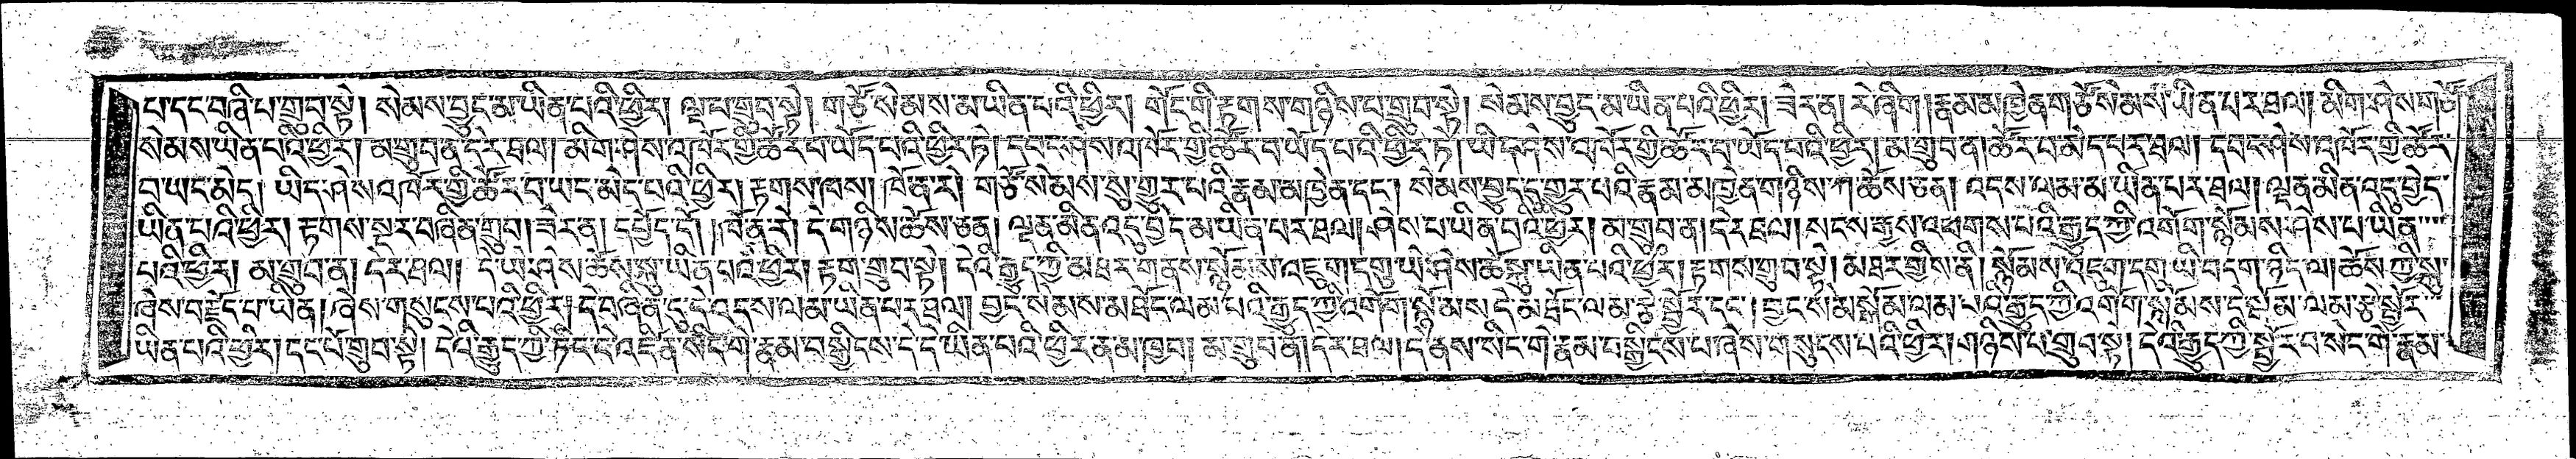པ་དང་བཞི་པ་གྲུབ་སྟེ། སེམས་བྱུང་མ་ཡིན་པའི་ཕྱིར། ལྔ་པ་གྲུབ་སྟེ། གཙོ་སེམས་མ་ཡིན་པའི་ཕྱིར། གོང་གི་རྟགས་གཉིས་པ་གྲུབ་སྟེ། སེམས་བྱུང་མ་ཡིན་པའི་ཕྱིར། ཟེར་ན། རེ་ཞིག །རྣམ་མཁྱེན་གཙོ་སེམས་ཡིན་པར་ཐལ། མིག་ཤེས་གཙོ་
སེམས་ཡིན་པའི་ཕྱིར། མ་གྲུབ་ན་དེར་ཐལ། མིག་ཤེས་འཁོར་གྱི་ཚོར་བ་ཡོད་པའི་ཕྱིར་ཏེ། དབང་ཤེས་འཁོར་གྱི་ཚོར་བ་ཡོད་པའི་ཕྱིར་ཏེ། ཡིད་ཤེས་འཁོར་གྱི་ཚོར་བ་ཡོད་པའི་ཕྱིར། མ་གྲུབ་ན། ཚོར་བ་མེད་པར་ཐལ། དབང་ཤེས་འཁོར་གྱི་ཚོར་
བ་ཡང་མེད། ཡིད་ཤེས་འཁོར་གྱི་ཚོར་བ་ཡང་མེད་པའི་ཕྱིར། རྟགས་ཁས། ཁོ་ན་རེ། གཙོ་སེམས་སུ་གྱུར་པའི་རྣམ་མཁྱེན་དང་། སེམས་བྱུང་དུ་གྱུར་པའི་རྣམ་མཁྱེན་གཉིས་ཀ་ཆོས་ཅན། འདས་ལམ་མ་ཡིན་པར་ཐལ། ལྡན་མིན་འདུ་བྱེད་
ཡིན་པའི་ཕྱིར། རྟགས་སྔར་བཞིན་གྲུབ། ཟེར་ན། དཔྱོད་དོ། །ཁོ་ན་རེ། དེ་གཉིས་ཆོས་ཅན། ལྡན་མིན་འདུ་བྱེད་མ་ཡིན་པར་ཐལ། ཤེས་པ་ཡིན་པའི་ཕྱིར། མ་གྲུབ་ན། དེར་ཐལ། སངས་རྒྱས་འཕགས་པའི་རྒྱུད་ཀྱི་འགོག་སྙོམས་ཤེས་པ་ཡིན་
པའི་ཕྱིར། མ་གྲུབ་ན། དེར་ཐལ། དེ་ཡེ་ཤེས་ཆོས་སྐུ་ཡིན་པའི་ཕྱིར། རྟག་གྲུབ་སྟེ། དེའི་རྒྱུད་ཀྱི་མཐར་གནས་སྙོམས་འཇུག་དགུ་ཡེ་ཤེས་ཆོས་སྐུ་ཡིན་པའི་ཕྱིར། རྟགས་གྲུབ་སྟེ། མཐར་གྱིས་ནི། སྙོམས་འཇུག་དགུ་ཡི་བདག་ཉིད་ལ། ཆོས་ཀྱི་སྐུ་
ཞེས་བརྗོད་པ་ཡིན། ཞེས་གསུངས་པའི་ཕྱིར། དེ་བཞིན་དུ་དེ་འདས་ལམ་ཡིན་པར་ཐལ། བྱང་སེམས་མཐོང་ལམ་པའི་རྒྱུད་ཀྱི་འགོག་སྙོམས་དེ་མཐོང་ལམ་རྩེ་སྦྱོར་དང་། བྱང་སེམས་སྒོམ་ལམ་པའི་རྒྱུད་ཀྱི་འགོག་སྙོམས་དེ་སྒོམ་ལམ་རྩེ་སྦྱོར་
ཡིན་པའི་ཕྱིར། དང་པོ་གྲུབ་སྟེ། དེའི་རྒྱུད་ཀྱི་ཏིང་ངེ་འཛིན་སིང་གེ་རྣམ་བསྐྱིངས་དེ་དེ་ཡིན་པའི་ཕྱིར་ན་མ་ཁྱབ། མ་གྲུབ་ན། དེར་ཐལ། དེ་ནས་སེང་གེ་རྣམ་བསྒྱིངས་པ་ཞེས་གསུངས་པའི་ཕྱིར། གཉིས་པ་གྲུབ་སྟེ། དེའི་རྒྱུད་ཀྱི་སྦྱོར་བ་སེང་གེ་རྣམ་